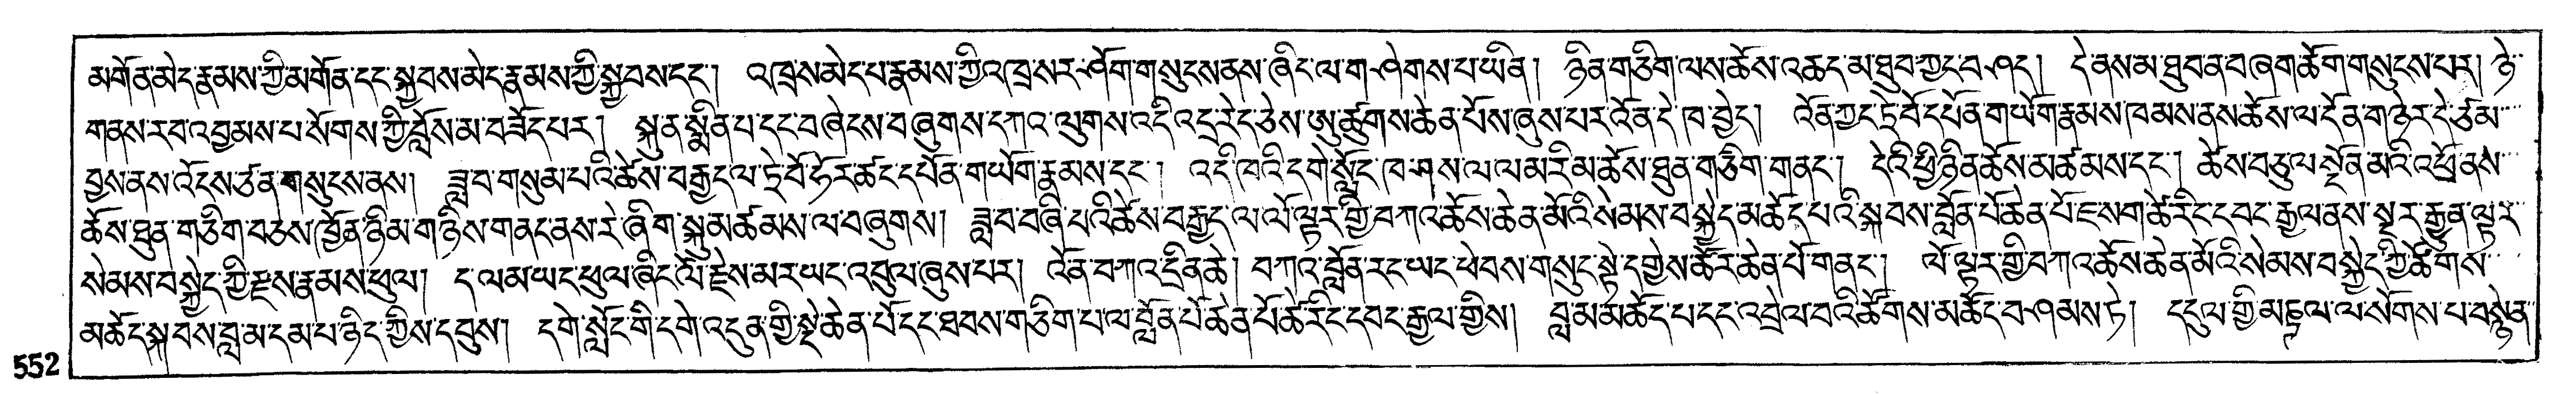མགོར་མེད་རྣམས་ཀྱི་མགོན་དང་སྐྱབས་མེད་རྣམས་ཀྱི་སྐྱབས་དང་། འཁྲ་ས་མེད་པ་རྣམས་ཀྱི་འཁྲ་སར་ཤོག་གསུངས་ནས་ཞིང་ལ་གཤེགས་པ་ཡིན། ཉིན་གཅིག་ལས་ཆོས་འཆད་མ་ཐུབ་ཀྱང་བཤད། དེ་ནས་མ་ཐུབ་ན་བཞག་ཆོག་གསུངས་པར། ཉེ་
གནས་རབ་འབྱམས་པ་སོགས་ཀྱི་བློས་མ་བཟོད་པར། སྐུ་ན་སྨིན་པ་དང་བཞེངས་བཞུགས་དཀའ་ལུགས་འདི་འདྲ་རེད་ཅེས་ཨུ་ཚུག་ས་ཆེན་པོས་ཞུས་པར་འོན་དེ་ཁ་བྱེད། འོན་ཀྱང་ཏྲེ་བོ་དཔོན་གཡོག་རྣམས་ཁམས་ནས་ཆོས་ལ་དོན་གཉེར་དེ་ཙམ་
བྱས་ནས་འོངས་ཙ་ན་གསུངས་ནས། ཟླ་བ་གསུམ་པའི་ཚེས་བརྒྱད་ལ་ཏྲེ་བོ་ཧོར་ཚང་དཔོན་གཡོག་རྣམས་དང་། འདི་ཁའི་དགེ་སློང་ཁ་ཤས་ལ་ལམ་རིམ་ཆོས་ཐུན་གཅིག་གནང་། དེའི་ཕྱི་ཉིན་ཆོས་མཚམས་དང་། ཚེས་བཅུ་ལ་སྔོན་མའི་འཕྲོ་ནས་
ཆོས་ཐུན་གཅིག་བཅས་ཁྱོན་ཉི་མ་གཉིས་གནང་ནས་རེ་ཞིག་སྐུ་མཚམས་ལ་བཞུགས། ཟླ་བ་བཞི་པའི་ཚེས་བརྒྱད་ལ་ལོ་ལྟར་གྱི་བཀའ་ཆོས་ཆེན་མོའི་སེམས་བསྐྱེད་མཆོད་པའི་སྐབས་བློན་པོ་ཆེན་པོ་ཇ་སག་ཚེ་རིང་དབང་རྒྱལ་ནས་སྔར་རྒྱུན་ལྟར་
སེམས་བསྐྱེད་ཀྱི་རྫས་རྣམས་ཕུལ། ད་ལམ་ཡང་ཕུལ་ཞིང་ལོ་རྗེས་མར་ཡང་འབུལ་ཞུས་པར། འོ་ན་བཀའ་དྲིན་ཆེ། བཀའ་བློན་རང་ཡང་ཕེབས་གསུང་སྟེ་དགྱེས་ཚོར་ཆེན་པོ་གནང་། ལོ་ལྟར་གྱི་བཀའ་ཆོས་ཆེན་མོའི་སེམས་བསྐྱེད་ཀྱི་ཚོགས་
མཆོད་སྐབས་བླ་མ་དམ་པ་ཉིད་ཀྱིས་དབུས། དགེ་སློང་གི་དགེ་འདུན་གྱི་སྡེ་ཆེན་པོ་དང་ཐབས་གཅིག་པ་ལ་བློན་པོ་ཆེན་པོ་ཚེ་རིང་དབང་རྒྱལ་གྱིས། བླ་མ་མཆོད་པ་དང་འབྲེལ་བའི་ཚོགས་མཆོད་བཤམས་ཏེ། དངུལ་གྱི་མཎྜལ་ལ་སོགས་པ་བསྙེན་